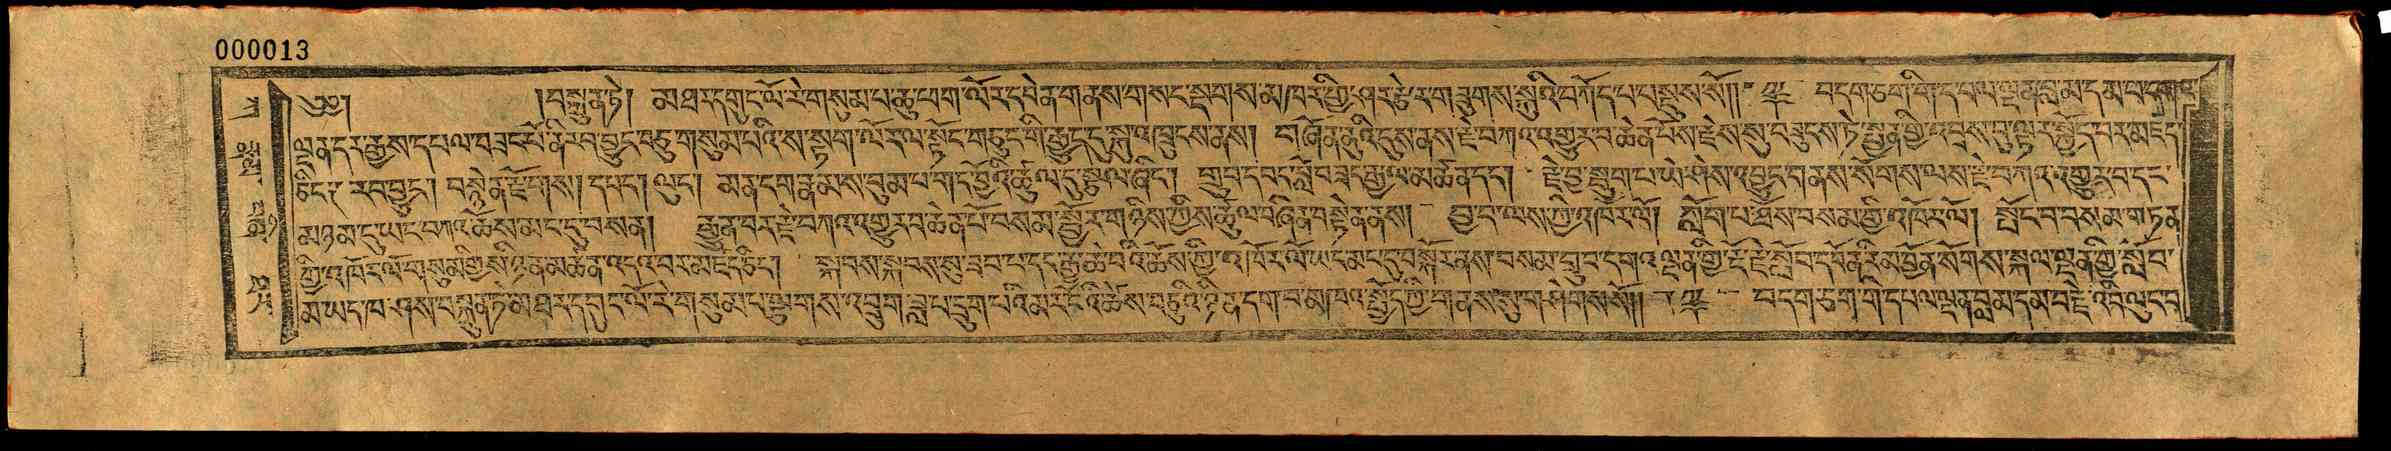༄༅། །བསྐྲུན་ཏེ། མཐར་དགུང་ལོ་རེ་གསུམ་པ་ཆུ་ཕག་ལོར་དབེན་གནས་གསང་སྔགས་མཁར་གྱི་ཤར་རྩེར་གཟུགས་སྐུའི་བཀོད་པ་བསྡུས་སོ།། ༈ བདག་ཅག་གི་དཔལ་ལྡན་བླ་མ་དམ་པ་དགའ་
ལྡན་དར་རྒྱས་དཔལ་བཟང་པོ་ནི་རབ་བྱུང་བཅུ་གསུམ་པའི་ས་སྟག་ལོར་ལ་སྟོད་གཅུང་གི་རྒྱུད་དུ་སྐུ་འཁྲུངས་ནས། གཞོན་ནུའི་དུས་ནས་རྗེ་བཀའ་འགྱུར་བ་ཆེན་པོས་རྗེས་སུ་བཟུངས་ཏེ་སྤྱན་གྱི་འབྲས་བུ་ལྟར་སྐྱོང་བར་མཛད་
ཅིང་། རབ་བྱུང་། བསྙེན་རྫོགས། དབང་། ལུང་། མན་ངག་རྣམས་བུམ་པ་གང་བྱོའི་ཚུལ་དུ་སྩལ་ཞིང་། གྲུབ་དབང་བློ་བཟང་རྒྱལ་མཚན་དང་། རྗེ་བྱ་སྡུག་པ་ཡེ་ཤེས་འབྱུང་གནས་སོགས་ལས་རྗེ་བཀའ་འགྱུར་བ་དང་
མཉམ་དུ་ཡང་བཀའ་ཆོས་མང་དུ་བསན། རྒྱུན་པར་རྗེ་བཀའ་འགྱུར་བ་ཆེན་པོ་བསམ་སྦྱོར་གཉིས་ཀྱིས་ཚུལ་བཞིན་བསྟན་ནས། བྱ་བ་ལས་ཀྱི་འཁོར་ལོ། ཀློག་པ་ཐོས་བསམ་གྱི་འཁོར་ལོ། སྤོང་བ་བསམ་གཏན་
གྱི་འཁོར་ལོ་གསུམ་གྱིས་ཉིན་མཚན་འདའ་བར་མཛད་ཅིང་། སྐབས་སྐབས་སུ་ཟབ་པ་དང་རྒྱ་ཆེ་བའི་ཆོས་ཀྱི་འཁོར་ལོ་ཡང་མང་དུ་བསྐོར་ནས་བསམ་གྲུབ་དགའ་ལྡན་གྱི་རྡོ་རྗེ་སློབ་དཔོན་རིམ་བྱོན་སོགས་སྐལ་ལྡན་གྱི་སློབ་
མ་ཡང་ཁ་ཤས་བསྐྲུན་ཏེ་མཐར་དགུང་ལོ་རེ་གསུམ་པ་ལྕགས་འབྲུག་ཟླ་བ་དྲུག་པའི་མར་ངོའི་ཚེས་བཅུའི་ཉིན་དག་པ་མཁའ་སྤྱོད་ཀྱི་གནས་སུ་གཤེགས་སོ།། ༈ བདག་ཅག་གི་དཔལ་ལྡན་བླ་མ་དམ་པ་རྗེ་འབི་ལུང་པ་